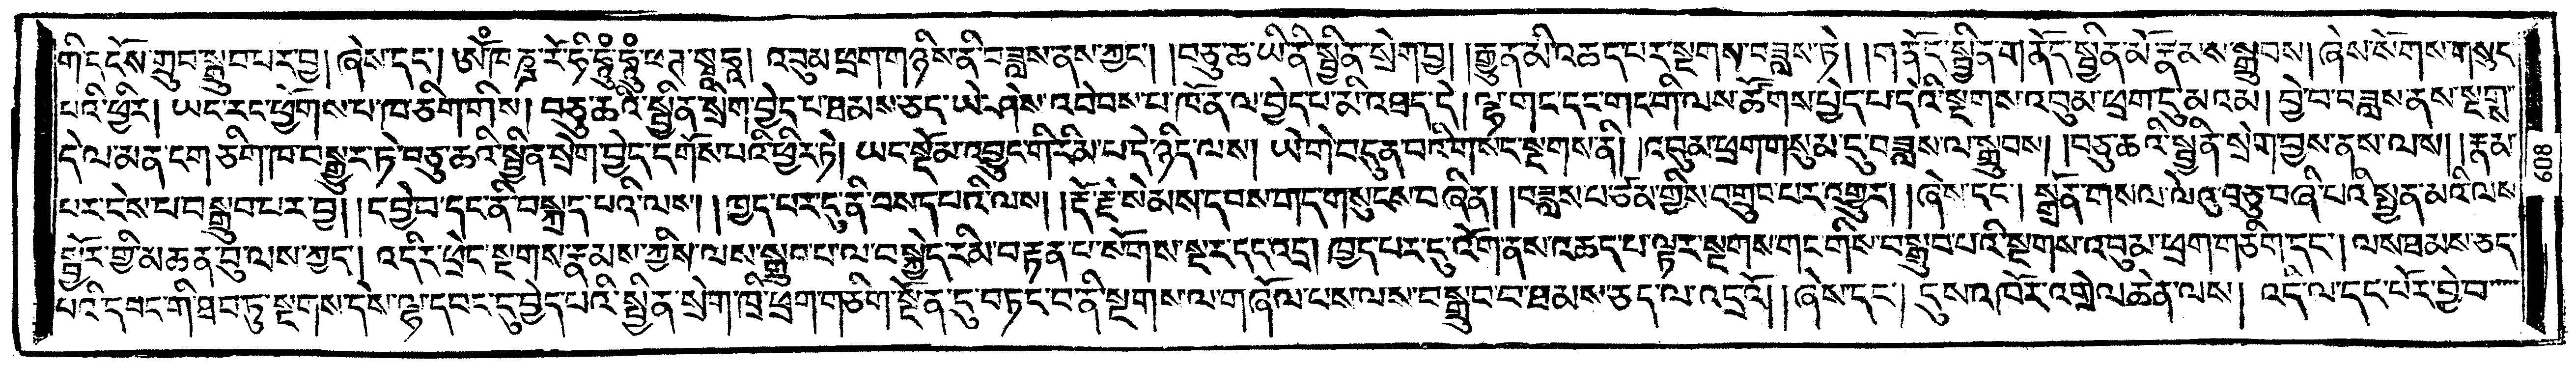གི་དངོས་གྲུབ་སྒྲུབ་པར་བྱ། ཞེས་དང་། ཨོཾ་ཁཎྜ་རོ་ཧི་ཧཱུཾ་ཧཱུཾ་ཕཊ་སྭཱཧཱ། འབུམ་ཕྲག་གཉིས་ནི་བཟླས་ནས་ཀྱང་། །བཅུ་ཆ་ཡི་ནི་སྦྱིན་སྲེག་བྱ། །རྒྱུན་མི་འཆད་པར་སྔགས་བཟླས་ཏེ། །གནོད་སྦྱིན་གནོད་སྦྱིན་མོ་རྣམས་སྒྲུབས། ཞེས་སོགས་གསུང་
པའི་ཕྱིར། ཡང་རང་ཕྱོགས་པ་ཁ་ཅིག་གིས། བཅུ་ཆའི་སྦྱིན་སྲེག་བྱེད་པ་ཐམས་ཅད་ཡེ་ཤེས་འབེབས་པ་ཁོ་ན་ལ་བྱེད་པ་མི་འཐད་དེ། ལྷ་གང་དང་གང་གི་ལས་ཚོགས་བྱེད་པ་དེའི་སྔགས་འབུམ་ཕྲག་དུ་མའམ། བྱེ་བ་བཟླས་ནས་སྔགས་
དེ་ལ་མན་ངག་ཅིག་ཁ་བསྒྱུར་ཏེ་བཅུ་ཆའི་སྦྱིན་སྲེག་བྱེད་དགོས་པའི་ཕྱིར་ཏེ། ཡང་སྡོམ་འབྱུང་གི་རིམ་པ་དེ་ཉིད་ལས། ཡེ་གེ་བདུན་པའི་གསང་སྔགས་ནི། །འབུམ་ཕྲག་གསུམ་དུ་བཟླས་ལ་སྒྲུབས། །བཅུ་ཆའི་སྦྱིན་སྲེག་བྱས་ནས་ལས། །རྣམ་
པར་ངེས་པ་བསྒྲུབ་པར་བྱ། །དབྱེ་བ་དང་ནི་བསྐྲད་པའི་ལས། །ཁྱད་པར་དུ་ནི་བསད་པའི་ལས། །རྡོ་རྗེ་སེམས་དཔས་གད་གསུངས་བཞིན། །བཟླས་པ་ཙམ་གྱིས་འགྲུབ་པར་འགྱུར། །ཞེས་དང་། སྒྲོན་གསལ་ལེའུ་བཅུ་བཞི་པའི་སྤྱན་མའི་ལས་
སྦྱོར་གྱི་མཆན་བུ་ལས་ཀྱང་། འདིར་ཕྲེང་སྔགས་རྣམས་ཀྱིས་ལས་སྒྲུབ་པ་ལ་བསྐྱེད་རིམ་བརྟན་པ་སོགས་སྔར་དང་འདྲ། ཁྱད་པར་དུ་འོག་ནས་འཆད་པ་ལྟར་སྔགས་གང་གིས་བསྒྲུབ་པའི་སྔགས་འབུམ་ཕྲག་གཅིག་དང་། ལས་ཐམས་ཅད་
པའི་དབང་གི་ཐབ་ཏུ་སྔགས་དེས་ལྷ་དབང་དུ་བྱེད་པའི་སྦྱིན་སྲེག་ཁྲི་ཕྲག་གཅིག་སྔོན་དུ་བཏང་བ་ནི་སྔགས་ལ་གཞོལ་པས་ལས་བསྒྲུབ་བ་ཐམས་ཅད་ལ་འདྲའོ། །ཞེས་དང་། དུས་འཁོར་འགྲེལ་ཆེན་ལས། འདི་ལ་དང་པོར་བྱེ་བ་